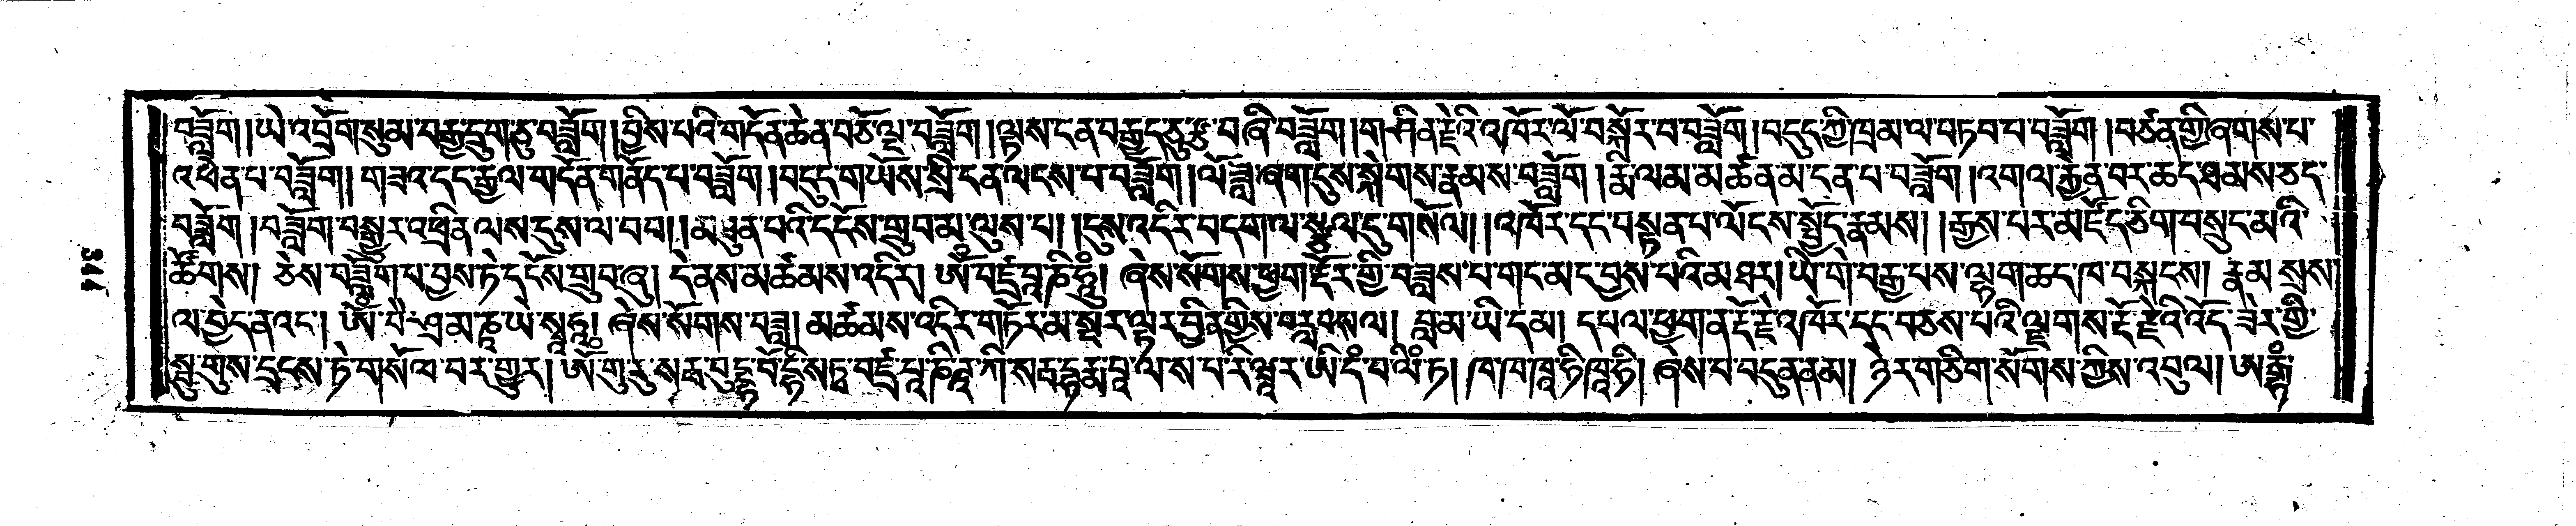བཟློག །ཡེ་འབྲོག་སུམ་བརྒྱ་དྲུག་ཅུ་བཟློག །བྱིས་པའི་གདོན་ཆེན་བཅོ་ལྔ་བཟློག །ལྟས་ངན་བརྒྱད་ཅུ་རྩ་བཞི་བཟློག །གཤིན་རྗེའི་འཁོར་ལོ་བསྐོར་བ་བཟློག །བདུད་ཀྱི་ཁྲམ་ལ་བཏབ་པ་བཟློག །བཙན་གྱི་ཞགས་པ་
འཕེན་པ་བཟློག །གཟའ་དང་རྒྱལ་གདོན་གནོད་པ་བཟློག །བདུད་གཡོས་སྲི་ངན་ལངས་པ་བཟློག །ལོ་ཟླ་ཞག་དུས་སྐེགས་རྣམས་བཟློག །རྨི་ལམ་མཚན་མ་ངན་པ་བཟློག །འགལ་རྐྱེན་བར་ཆད་ཐམས་ཅད་
བཟློག །བཟློག་བསྒྱུར་འཕྲིན་ལས་དུས་ལ་བབ། །མཐུན་པའི་དངོས་གྲུབ་མ་ལུས་པ། །དུས་འདིར་བདག་ལ་སྩལ་དུ་གསོལ། །འཁོར་དང་བསྟན་པ་ལོངས་སྤྱོད་རྣམས། །རྒྱས་པར་མཛོད་ཅིག་བསྲུང་མའི་
ཚོགས། ཅེས་བཟློག་པ་བྱས་ཏེ་དངོས་གྲུབ་ཞུ། དེ་ནས་མཚམས་འདིར། ཨོཾ་བཛྲ་པཱ་ཎི་ཧཱུཾ། ཞེས་སོགས་ཕྱག་རྡོར་གྱི་བཟླས་པ་གང་མང་བྱས་པའི་མཐར། ཡི་གེ་བརྒྱ་པས་ལྷག་ཆད་ཁ་བསྐངས། རྣམ་སྲས་
ལ་བྱེད་ནའང་། ཨོཾ་བཻ་ཤྲ་མ་ཎཱ་ཡེ་སྭཱ་ཧཱ། ཞེས་སོགས་བཟླ། མཚམས་འདིར་གཏོར་མ་སྔར་ལྟར་བྱིན་གྱིས་བརླབས་ལ། བླ་མ་ཡི་དམ། དཔལ་ཕྱག་ན་རྡོ་རྗེ་འཁོར་དང་བཅས་པའི་ལྗགས་རྡོ་རྗེའི་འོད་ཟེར་གྱི་
སྦུ་གུས་དྲངས་ཏེ་གསོལ་བར་གྱུར། ཨོཾ་གུ་རུ་སརྦ་བུདྡྷ་བོ་དྷི་སཏྭ་བཛྲ་པཱ་ཎི་ཌཱ་ཀི་སརྦ་དྷརྨ་པཱ་ལ་ས་པ་རི་ཝཱ་ར་ཨི་དཾ་བ་ལིཾ་ཏ། ཁ་ཁ་ཁཱ་ཧི་ཁཱ་ཧི། ཞེས་པ་བདུན་ནམ། ཉེར་གཅིག་སོགས་ཀྱིས་འབུལ། ཨརྒྷཾ་